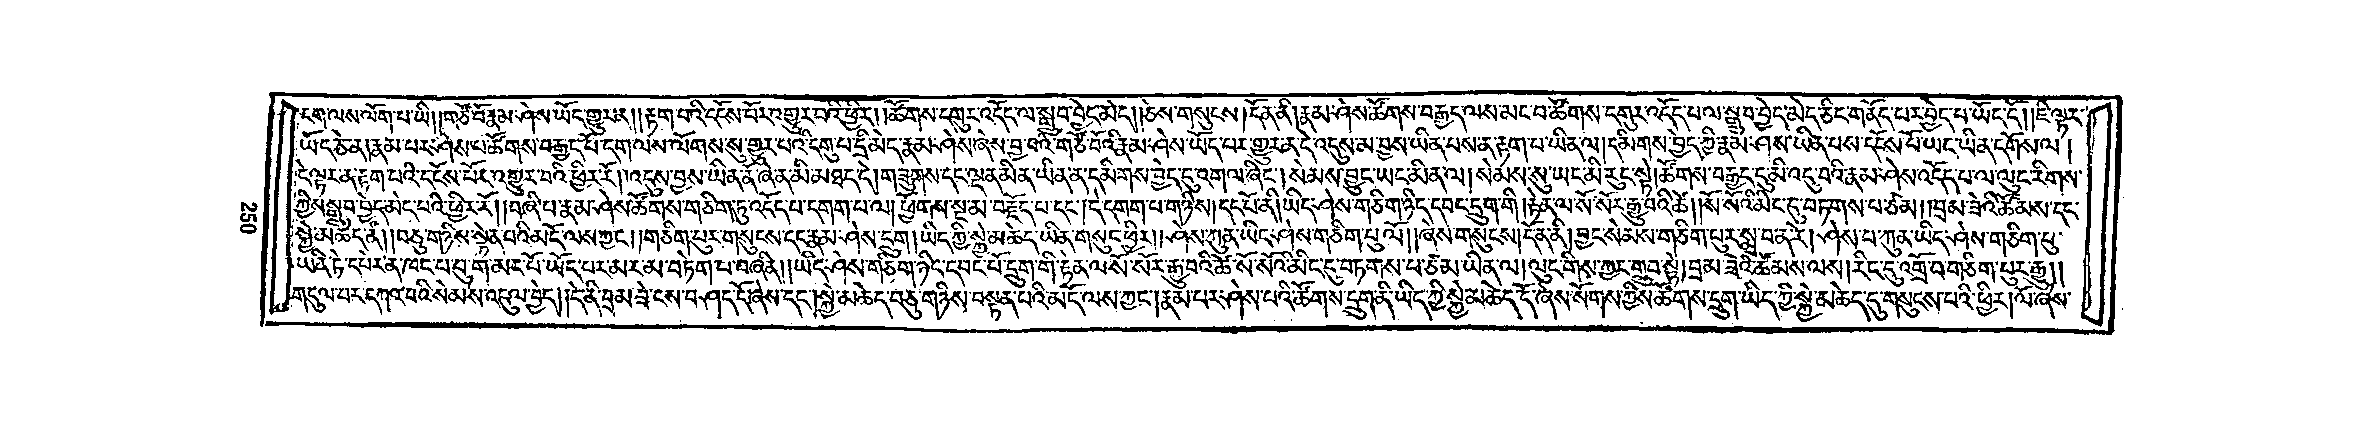ངག་ལས་ལོག་པ་ཡི། གཙོ་བོ་རྣམ་ཤེས་ཡོད་གྱུར་ན། །རྟག་པའི་དངོས་པོར་འགྱུར་བའི་ཕྱིར། །ཚོགས་དགུར་འདོད་ལ་སྒྲུབ་བྱེད་མེད། །ཅེས་གསུངས། དོན་ནི། རྣམ་ཤེས་ཚོགས་བརྒྱད་ལས་མང་བ་ཚོགས་དགུར་འདོད་པ་ལ་སྒྲུབ་བྱེད་མེད་ཅིང་གནོད་པར་བྱེད་པ་ཡོད་དོ། །ཇི་ལྟར་
ཡོད་ཅེ་ན། རྣམ་པར་ཤེས་པ་ཚོགས་བརྒྱད་པོ་དག་ལས་ལོགས་སུ་གྱུར་པའི་དགུ་པ་དྲི་མེད་རྣམ་ཤེས་ཞེས་བྱ་བའི་གཙོ་བོའི་རྣམ་ཤེས་ཡོད་པར་གྱུར་ན་དེ་འདུས་མ་བྱས་ཡིན་པས་ན་རྟག་པ་ཡིན་ལ། དམིགས་བྱེད་ཀྱི་རྣམ་ཤེས་ཡིན་པས་དངོས་པོ་ཡང་ཡིན་དགོས་ལ།
དེ་ལྟར་ན་རྟག་པའི་དངོས་པོར་འགྱུར་བའི་ཕྱིར་རོ། །འདུས་བྱས་ཡིན་ནོ་ཞེ་ན་མི་འཐད་དེ། གཟུགས་དང་ལྡན་མིན་ཡིན་ན་དམིགས་བྱེད་དུ་འགལ་ཞིང་། སེམས་བྱུང་ཡང་མིན་ལ། སེམས་བྱུང་ཡང་མི་རུང་སྟེ། ཚོགས་བརྒྱད་དུ་མི་འདུ་བའི་རྣམ་ཤེས་འདོད་པ་ལ་ལུང་རིགས་
ཀྱིས་སྒྲུབ་བྱེད་མེད་པའི་ཕྱིར་རོ། །བཞི་པ་རྣམ་ཤེས་ཚོགས་གཅིག་ཏུ་འདོད་པ་དགག་པ་ལ། ཕྱོགས་སྔ་མ་བརྗོད་པ་དང་། དེ་དགག་པ་གཉིས། དང་པོ་ནི། ཡིད་ཤེས་གཅིག་ཉིད་དབང་དྲུག་གི །རྟེན་ལ་སོ་སོར་རྒྱུ་བའི་ཚེ། །སོ་སོའི་མིང་དུ་བཏགས་པ་ཙམ། །བྲམ་ཟེའི་ཚོམས་དང་
སྐྱེ་མཆེད་ནི། །བཅུ་གཉིས་སྟེན་པའི་མདོ་ལས་ཀྱང་། །གཅིག་པུར་གསུངས་དང་རྣམ་ཤེས་དྲུག །ཡིད་ཀྱི་སྐྱེ་མཆེད་ཡིན་གསུང་ཕྱིར། ཤེས་ཀུན་ཡིད་ཤེས་གཅིག་པུ་ལོ། །ཞེས་གསུངས། དོན་ནི། བྱང་སེམས་གཅིག་པུར་སྨྲ་བ་ན་རེ། ཤེས་པ་ཀུན་ཡིད་ཤེས་གཅིག་པུ་
ཡིན་ཏེ་དཔེར་ན་ཁང་པ་བུ་ག་མང་པོ་ཡོད་པར་མར་མ་བཏེག་པ་བཞིན། །ཡིད་ཤེས་གཅིག་ཉིད་དབང་པོ་དྲུག་གི་རྟེན་ལ་སོ་སོར་རྒྱུ་བའི་ཚེ་སོ་སོའི་མིང་དུ་བཏགས་པ་ཙམ་ཡིན་ལ། ལུང་གིས་ཀྱང་གྲུབ་སྟེ། བྲམ་ཟེའི་ཚོམས་ལས། རིང་དུ་འགྲོ་བ་གཅིག་པུར་རྒྱུ། །
གདུལ་བར་དཀའ་བའི་སེམས་འདུལ་བྱེད། །དེ་ནི་བྲམ་ཟེ་ངས་བཤད་དོ་ཞེས་དང་། སྐྱེ་མཆེད་བཅུ་གཉིས་བསྟན་པའི་མདོ་ལས་ཀྱང་། རྣམ་པར་ཤེས་པའི་ཚོགས་དྲུག་ནི་ཡིད་ཀྱི་སྐྱེ་མཆེད་དོ་ཞེས་སོགས་ཀྱིས་ཚོགས་དྲུག་ཡིད་ཀྱི་སྐྱེ་མཆེད་དུ་གསུངས་པའི་ཕྱིར། ལོ་ཞེས་